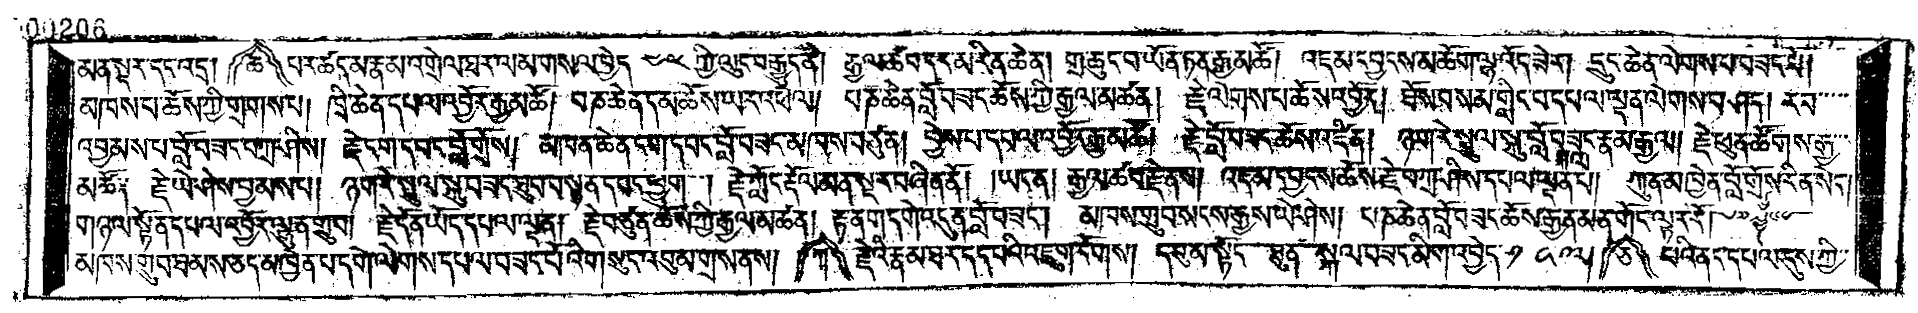མན་སྔར་དང་འདྲ། ༼༽ཆ༼༽ པར་ཚད་མ་རྣམ་འགྲེལ་ཐར་ལམ་གསལ་བྱེད ༤༠༨་ཀྱི་ལུང་བརྒྱུད་ནི། རྒྱལ་ཚབ་དར་མ་རིན་ཆེན། གྲ་ཆུང་བ་ཡོན་ཏན་རྒྱ་མཚོ། འཇམ་དབྱངས་མཆོག་ལྷ་འོད་ཟེར། དྲུང་ཆེན་ལེགས་པ་བཟང་པོ།
མཁས་པ་ཆོས་ཀྱི་གྲགས་པ། ཁྲི་ཆེན་དཔལ་འབྱོར་རྒྱ་མཚོ། པཎ་ཆེན་དམ་ཆོས་ཡར་འཕེལ། པཎ་ཆེན་བློ་བཟང་ཆོས་ཀྱི་རྒྱལ་མཚན། རྗེ་ལེགས་པ་ཆོས་འབྱོར། ཐོས་བསམ་གླིང་བ་དཔལ་ལྡན་ལེགས་བཤད། རབ་
འབྱམས་པ་བློ་བཟང་བཀྲ་ཤིས། རྗེ་ངག་དབང་བློ་གྲོས། མཁན་ཆེན་ངག་དབང་བློ་བཟང་མཁས་བཙུན། བྱེས་པ་དཔལ་འབྱོར་རྒྱ་མཚོ། རྗེ་བློ་བཟང་ཆོས་འཛིན། ཉག་རེ་སྤྲུལ་སྐུ་བློ་སྐལ་བཟང་རྣམ་རྒྱལ། རྗེ་ཕུན་ཚོགས་རྒྱ་
མཚོ༑ རྗེ་ཡེ་ཤེས་བྱམས་པ། ཉག་རེ་སྤྲུལ་སྐུ་བཟང་ཐུབ་བསྟན་དབང་ཕྱུག །རྗེ་ཀློང་རྡོལ་མན་སྔར་བཞིན་ནོ། །ཡང་ན། རྒྱལ་ཚབ་རྗེ་ནས། འཇམ་དབྱངས་ཆོས་རྗེ་བཀྲ་ཤིས་དཔལ་ལྡན་པ། ཀུན་མཁྱེན་བློ་གྲོས་རིན་སེང་།
གཉལ་སྟོན་དཔལ་འབྱོར་ལྷུན་གྲུབ། རྗེ་དོན་ཡོད་དཔལ་ལྡན། རྗེ་བཙུན་ཆོས་ཀྱི་རྒྱལ་མཚན། རྟ་ནག་དགེ་འདུན་བློ་བཟང་། མཁས་གྲུབ་སངས་རྒྱས་ཡེ་ཤེས། པཎ་ཆེན་བློ་བཟང་ཆོས་རྒྱན་མན་གོང་ལྟར་རོ།
མཁས་གྲུབ་ཐམས་ཅད་མཁྱེན་པ་དགེ་ལེགས་དཔལ་བཟང་པོའི་གསུང་འབུམ་གྲས་ནས། ༼༽ཀ༼༽ རྗེའི་རྣམ་ཐར་དད་པའི་འཇུག་ངོགས། དབུ་མ་སྟོང་ཐུན་སྐལ་བཟང་མིག་འབྱེད ༡༦༣། ༼༽ཅ༼༽ པའི་ནང་དཔལ་དུས་ཀྱི་